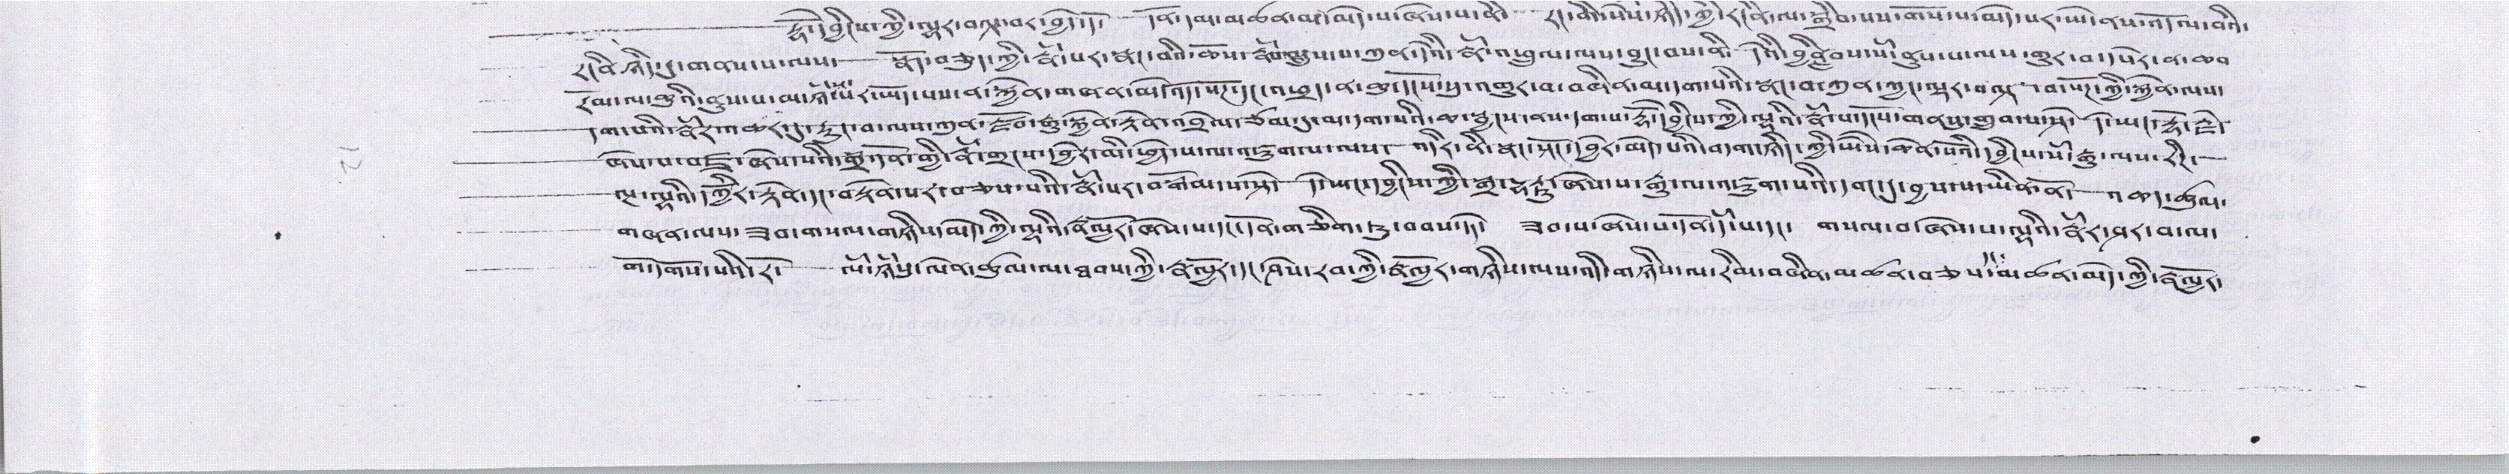རྡོ་རྗེ་དབྱིངས་ཀྱི་ལྷར་བལྟ་བར་བྱེད་དོ། དོན་དབང་མཚན་མ་མེད་པ་ཞེས་པ་ནི། རང་གི་སེམས་ཉིད་ཀྱི་རང་བཞིན་ལ་སྒྲིབ་པས་གོས་པ་མེད་པར་ཡེ་ནས་འོད་གསལ་བའི་
རང་བཞིན་ཉིད་དུ་གནས་པ་ལས། སྣོད་བཅུད་ཀྱི་རྣམ་པར་སྣང་བའི་ཆོས་རྣམས་མ་ལུས་པ་ཀུན་དེའི་རྣམ་འཕྲུལ་ལས་བྱུང་བས་ནི་དེའི་བྱིན་རླབས་སམ་ནུས་པ་ལས་གྱུར་པ་དཔེར་ན་ཆབ་
རོམ་ལ་ཆུ་ཡི་ནུས་པ་མཉམ་པར་ཡོད་པས་ན་རྐྱེན་གཞན་མེ་འོད་སོགས་དང་འཕྲད་ན་ཆུ་དངོས་སུ་འགྱུར་བ་བཞིན་མ་དག་པའི་སྣང་བ་ཀུན་ཀྱང་ལྷར་བལྟ་བ་སོགས་ཀྱི་རྐྱེན་ལས་
དག་པའི་རྣམ་པར་འཆར་དུ་རུང་བ་ལས་ཀུན་རྫོབ་རྒྱུ་རྐྱེན་རྟེན་འབྲེལ་ཙམ་དུ་མ་དག་པའི་ཆ་སྦྱངས་ནས་དག་པ་རྡོ་རྗེའི་དབྱིངས་ཀྱི་ལྷ་ཡི་རྣམ་པ་དངོས་གནས་སུ་གྲུབ་པ་སྟེ། དེ་ཡང་རྡོ་རྗེ་
ཞེས་པ་བཛྲ་ཞེས་པའི་སྒྲ་དོན་གྱི་རྣམ་གྲངས་དབྱེར་མི་ཕྱེད་པ་ལ་འཇུག་པ་ལས། འདིར་ནི་སྣང་སྟོང་དབྱེར་མེད་པའི་བདག་ཉིད་ཀྱི་ཡེ་ཤེས་ཆེན་པོའི་དབྱིངས་སམ་རྒྱུ་ལས་རིགས་
ལྔ་ལྷའི་དཀྱིལ་འཁོར་རྟེན་དང་བརྟེན་པར་བཅས་པའི་རྣམ་པར་བསྒོམ་པ་སྟེ། དེ་ཡང་དབྱིངས་ཀྱི་སྒྲ་དྷརྟུ་ཞེས་པ་རྒྱུ་ལ་འཇུག་པའི་དབང་དུ་བྱས་པ་ཡིན་ནོ། འཆད་ཚུལ་
གཞན་ལས་ཟབ་གསལ་གཉིས་མེད་ཀྱི་ལྷ་ཡི་རྣལ་འབྱོར་ཞེས་པ་དང་དོན་གཅིག་ཏུ་བབས་ཏེ། ཟབ་པ་ཞེས་པ་དོན་དམ་དང་། གསལ་བ་ཞེས་པ་ལྷ་ཡི་རྣམ་པར་ཤར་བ་ལ་
གོ་དགོས་པའི་ཕྱིར་རོ། ལམ་ཉམས་སུ་ལེན་ཚུལ་ལ་ཐབས་ཀྱི་རྣལ་འབྱོར་དང་ཤེས་རབ་ཀྱི་རྣལ་འབྱོར་གཉིས་ལས། འདི་གཉིས་ལ་རིམ་བཞིན་མཚན་བཅས་དང་མཚན་མེད་ཀྱི་རྣལ་འབྱོར་